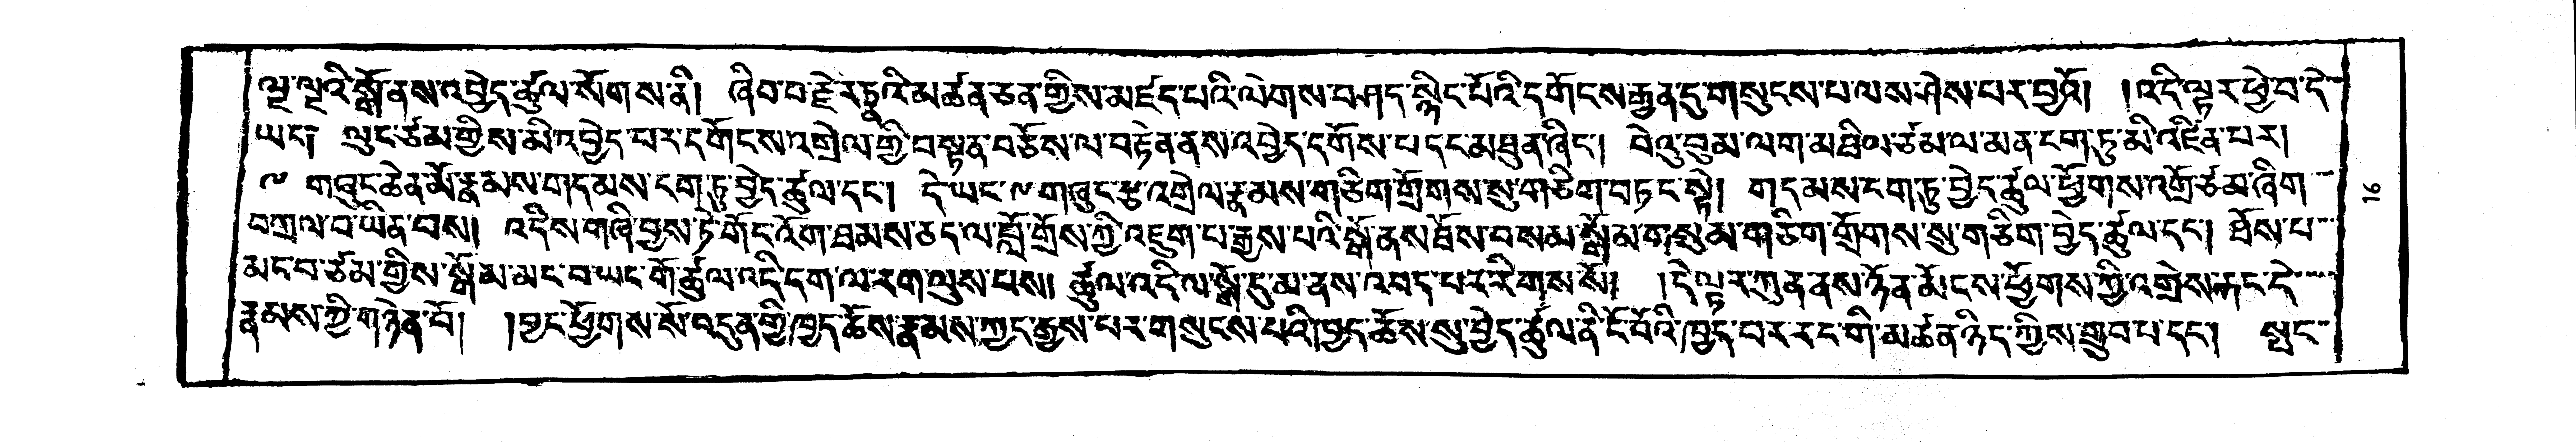ལྔ་ལྔའི་སྒོ་ནས་འབྱེད་ཚུལ་སོགས་ནི། ཞིབ་པ་རྗེ་རཏྣའི་མཚན་ཅན་གྱིས་མཛད་པའི་ལེགས་བཤད་སྙིང་པོའི་དགོངས་རྒྱན་དུ་གསུངས་པ་ལས་ཤེས་པར་བྱའོ། །འདི་ལྟར་ཕྱེ་བ་དེ་
ཡང་། ལུང་ཙམ་གྱིས་མི་འབྱེད་པར་དགོངས་འགྲེལ་གྱི་བསྟན་བཅོས་ལ་བརྟེན་ནས་འབྱེད་དགོས་པ་དང་མཐུན་ཞིང་། བེའུ་བུམ་ལག་མཐིལ་ཙམ་ལ་མན་ངག་ཏུ་མི་འཛིན་པར།
གཞུང་ཆེན་མོ་རྣམས་གདམས་ངག་ཏུ་བྱེད་ཚུལ་དང་། དེ་ཡང་གཞུང་རྩ་འགྲེལ་རྣམས་གཅིག་གྲོགས་སུ་གཅིག་བཏང་སྟེ། གདམས་ངག་ཏུ་བྱེད་ཚུལ་ཕྱོགས་འགྲོ་ཙམ་ཞིག་
བཀྲལ་བ་ཡིན་པས། འདིས་གཞི་བྱས་ཏེ་གོང་འོག་ཐམས་ཅད་ལ་བློ་གྲོས་ཀྱི་འཇུག་པ་རྒྱས་པའི་སྒོ་ནས་ཐོས་བསམ་སྒོམ་གསུམ་གཅིག་གྲོགས་སུ་གཅིག་བྱེད་ཚུལ་དང་། ཐོས་པ་
མང་བ་ཙམ་གྱིས་སྒོམ་མང་བ་ཡང་གོ་ཚུལ་འདི་དག་ལ་རག་ལུས་པས། ཚུལ་འདི་ལ་སྒོ་དུ་མ་ནས་འབད་པར་རིགས་སོ། །དེ་ལྟར་ཀུན་ནས་ཉོན་མོངས་ཕྱོགས་ཀྱི་འགྲེས་རྐང་དེ་
རྣམས་ཀྱི་གཉེན་པོ། །བྱང་ཕྱོགས་སོ་བདུན་གྱི་ཁྱད་ཆོས་རྣམས་ཀྱང་རྒྱས་པར་གསུངས་པའི་ཁྱད་ཆོས་སུ་བྱེད་ཚུལ་ནི་ངོ་བོའི་ཁྱད་པར་རང་གི་མཚན་ཉིད་ཀྱིས་གྲུབ་པ་དང་། སྤང་